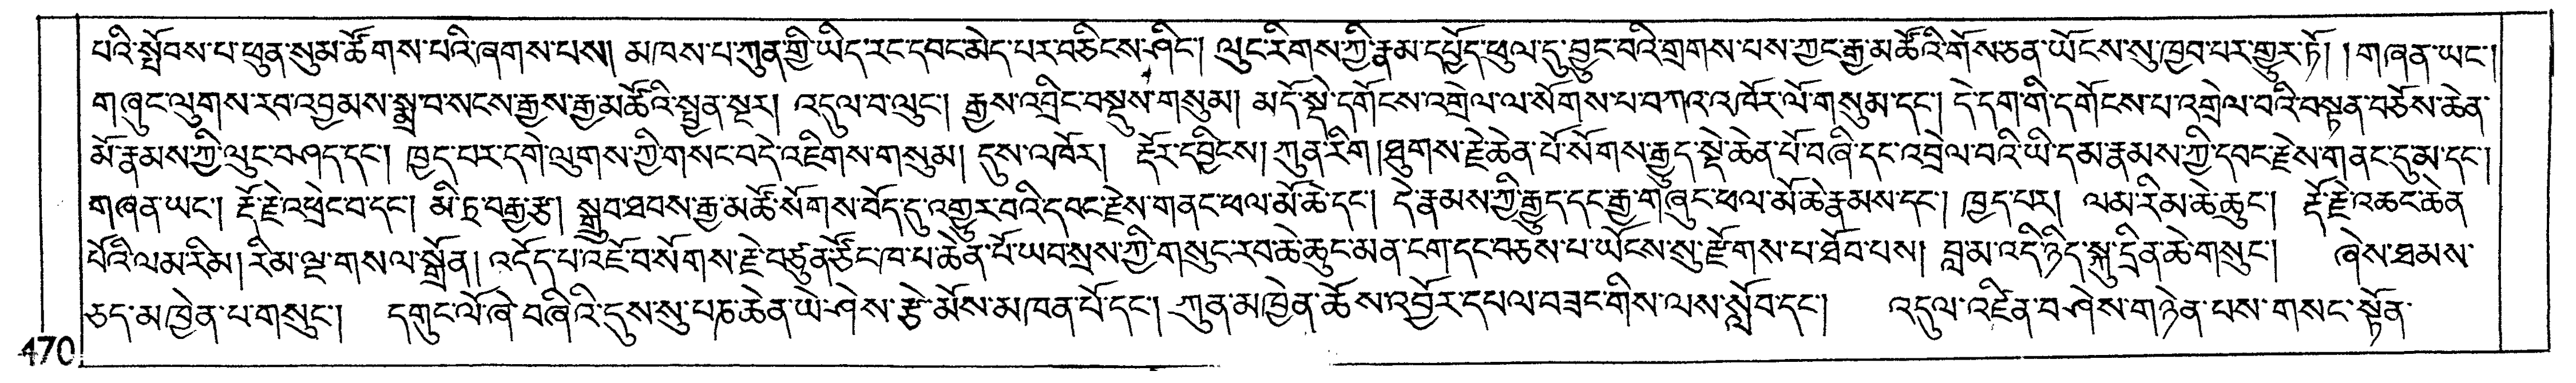པའི་སྤོབས་པ་ཕུན་སུམ་ཚོགས་པའི་ཞགས་པས། མཁས་པ་ཀུན་གྱི་ཡིད་རང་དབང་མེད་པར་བཅིངས་ཤིང་། ལུང་རིགས་ཀྱི་རྣམ་དཔྱོད་ཕུལ་དུ་བྱུང་བའི་གྲགས་པས་ཀྱང་རྒྱ་མཚོའི་གོས་ཅན་ཡོངས་སུ་ཁྱབ་པར་གྱུར་ཏོ། །གཞན་ཡང་།
གཞུང་ལུགས་རབ་འབྱམས་སྨྲ་བ་སངས་རྒྱས་རྒྱ་མཚོའི་སྤྱན་སྔར། འདུལ་བ་ལུང་། རྒྱས་འབྲིང་བསྡུས་གསུམ། མདོ་སྡེ་དགོངས་འགྲེལ་ལ་སོགས་པ་བཀའ་འཁོར་ལོ་གསུམ་དང་། དེ་དག་གི་དགོངས་པ་འགྲེལ་བའི་བསྟན་བཅོས་ཆེན་
མོ་རྣམས་ཀྱི་ལུང་བཤད་དང་། ཁྱད་པར་དགེ་ལུགས་ཀྱི་གསང་བདེ་འཇིགས་གསུམ། དུས་འཁོར། རྡོར་དབྱིངས། ཀུན་རིག །ཐུགས་རྗེ་ཆེན་པོ་སོགས་རྒྱུད་སྡེ་ཆེན་པོ་བཞི་དང་འབྲེལ་བའི་ཡི་དམ་རྣམས་ཀྱི་དབང་རྗེས་གནང་དུ་མ་དང་།
གཞན་ཡང་། རྡོ་རྗེ་འཕྲེང་བ་དང་། མི་ཏྲ་བརྒྱ་རྩ། སྒྲུབ་ཐབས་རྒྱ་མཚོ་སོགས་བོད་དུ་འགྱུར་བའི་དབང་རྗེས་གནང་ཕལ་མོ་ཆེ་དང་། དེ་རྣམས་ཀྱི་རྒྱུད་དང་རྒྱ་གཞུང་ཕལ་མོ་ཆེ་རྣམས་དང་། ཁྱད་པར། ལམ་རིམ་ཆེ་ཆུང་། རྡོ་རྗེ་འཆང་ཆེན་
པོའི་ལམ་རིམ། རིམ་ལྔ་གསལ་སྒྲོན། འདོད་པ་འཇོ་བ་སོགས་རྗེ་བཙུན་ཙོང་ཁ་པ་ཆེན་པོ་ཡབ་སྲས་ཀྱི་གསུང་རབ་ཆེ་ཆུང་མན་ངག་དང་བཅས་པ་ཡོངས་སུ་རྫོགས་པ་ཐོབ་པས། བླ་མ་འདི་ཉིད་སྐུ་དྲིན་ཆེ་གསུང་། ཞེས་ཐམས་
ཅད་མཁྱེན་པ་གསུང་། དགུང་ལོ་ཞེ་བཞིའི་དུས་སུ་པཎ་ཆེན་ཡེ་ཤེས་རྩེ་མོས་མཁན་པོ་དང་། ཀུན་མཁྱེན་ཆོས་འབྱོར་དཔལ་བཟང་གིས་ལས་སློབ་དང་། འདུལ་འཛིན་བཤེས་གཉེན་པས་གསང་སྟོན་